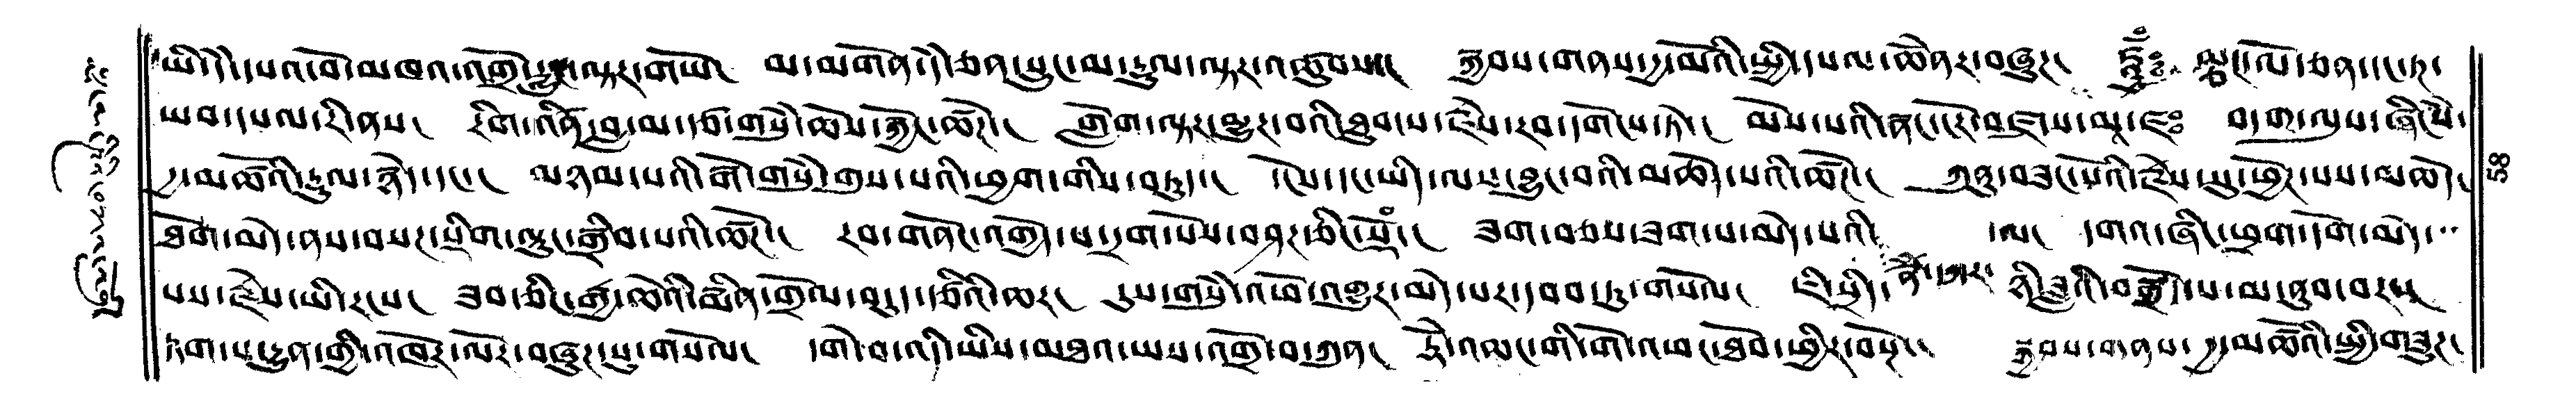།ཡི་དམ་དཔའ་བོ་མཁའ་འགྲོ་རླུང་ལྟར་གཡོ། །མ་མགོན་དམ་ཅན་སྲུང་མ་རྡུལ་ལྟར་འཚུབ། །སྐྱབས་གནས་རྒྱ་མཚོའི་སྤྱི་དཔལ་ཆེན་པོར་བཞུགས། ཧཱུྃ། ལྕང་ལོ་ཅན་དང་རྔ་
ཡབ་དཔལ་རི་ནས། །རིག་འཛིན་བླ་མ་རྩ་གསུམ་ཆོས་སྐྱོང་ཚོགས། །གློག་ལྟར་མྱུར་བའི་ཐུགས་པ་རྗེས་རབ་དགོངས་ཏེ། །མོས་པའི་སྣང་ངོར་བཛྲ་ས་མཱ་ཛཿ བདག་ལུས་ཞིང་ཁམས་
རྒྱ་མཚོ་རྡུལ་སྙེད་དང་། །མཉམ་པའི་སྒོ་གསུམ་གུས་པའི་ཕྱག་གིས་འདུད། །དངོས་དང་ཡིད་ལས་བྱུང་བའི་མཆོད་པའི་ཚོགས། །ཀུན་ཏུ་བཟང་པོའི་རྗེས་སུ་ཕྱོགས་པས་མཆོད། །
ཐོག་མེད་ནས་བསགས་སྡིག་ལྟུང་སྒྲིབ་པའི་ཚོགས། །རབ་གནོང་འགྱོད་པ་དྲག་པོས་བཤགས་ཤིང་སྡོམ། །ཟག་བཅས་ཟག་པ་མེད་པའི་རྣམ་དཀར་ལ། །དགའ་ཞིང་ཕྲག་དོག་མེད་
པས་རྗེས་ཡི་རང་། །ཟབ་ཅིང་རྒྱ་ཆེའི་སྨིན་གྲོལ་བདུད་རྩིའི་ཆར། །དུས་གསུམ་འཕོ་འགྱུར་མེད་པར་དབབ་ཏུ་གསོལ། །ཇི་སྲིད་ཉི་ཟླའི་བསྒྲོད་པ་མ་ནུབ་བར། །
རྟག་པ་རྒྱུན་གྱི་འཁོར་ལོར་བཞུགས་སུ་གསོལ། །དགེ་བ་འདི་ཡིས་མཐའ་ཡས་འགྲོ་བ་ཀུན། །རྡོ་རྗེ་འཆང་གི་གོ་འཕང་ཐོབ་ཕྱིར་བསྔོ། །སྐྱབས་གནས་རྒྱ་མཚོའི་སྤྱི་གཟུགས།